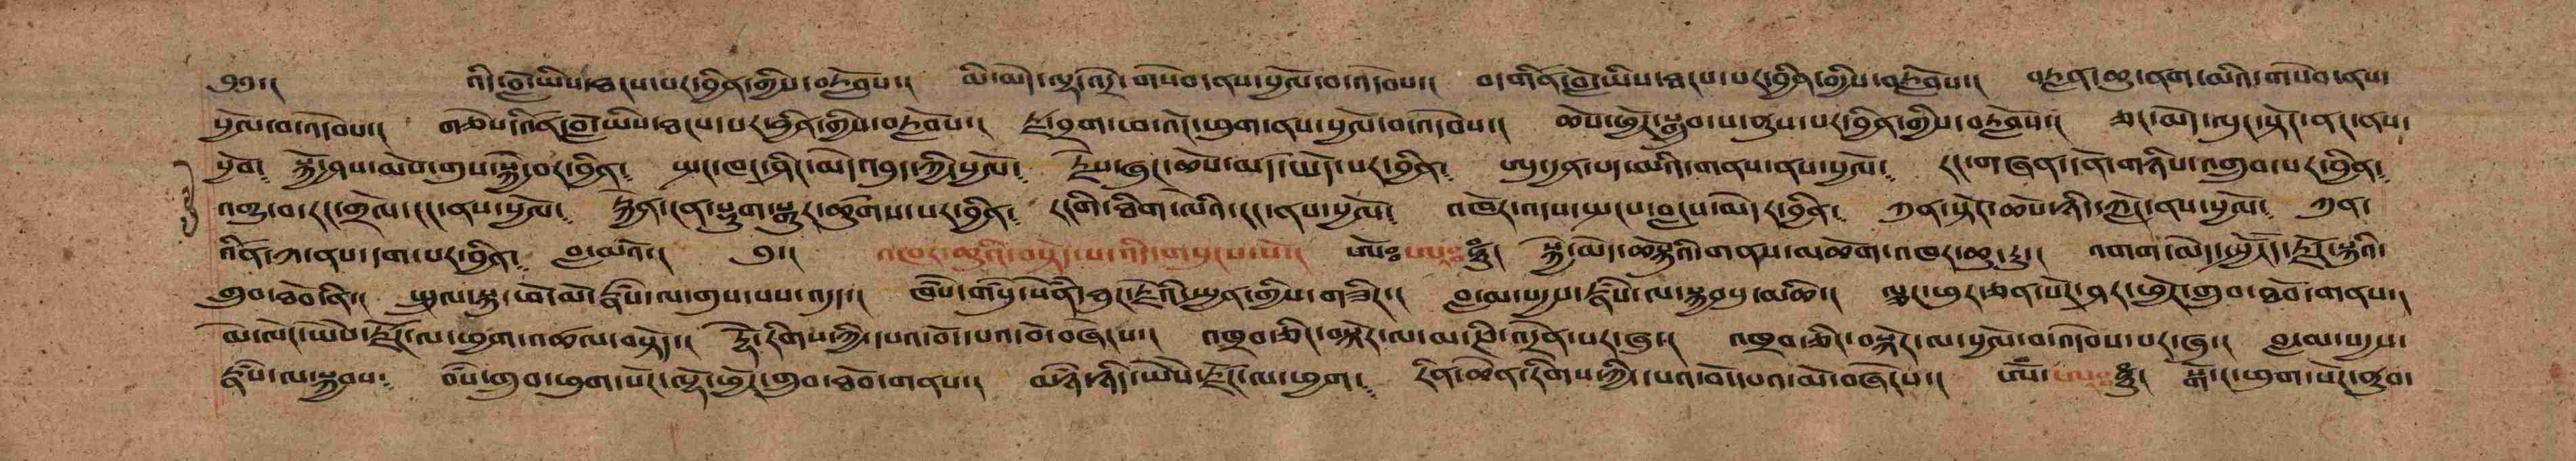༄༅་། འདི་བློ་ཡིས་ཐངས་པར་བྱིན་གྱིས་བརློབས། མི་མེད་ལྷ་འདྲེ་གསེབ་ནས་གསོལ་བ་འདེབས། བདག་འཛིན་བློ་ཡིས་ཐངས་པར་བྱིན་གྱིས་བརློབས། བརླན་ཆུ་ནག་མའི་གསེབ་ནས་
གསོལ་བ་འདེབས། གཅེས་འཛིན་བློ་ཡིས་ཐངས་པར་བྱིན་གྱིས་བརློབས། རྫ་བྲག་ཕ་འོང་ཕུག་ནས་གསོལ་བ་འདེབས། ཆོས་ཕྱོགས་སྒྲུབ་པ་ནུས་པར་བྱིན་གྱིས་བརློབས། ཅང་མེད་ལུང་སྟོང་ནང་ནས་
གསོབ། སྐྱོ་ཤས་མོས་གུས་སྐྱེ་བར་བྱིན། སྤང་ཁང་ཤིང་མེད་འབུད་ཀྱི་གསོལ་བ་འདེབས། རྗེས་ཞུགས་ཆོས་མཛད་ཡོད་པར་བྱིན་གྱིས་བརློབས། ཨུ་རྒྱན་པད་མའི་གནས་ནས་གསོལ་བ་འདེབས། རང་གཞན་དོན་གཉིས་འགྲུབ་པར་བྱིན་གྱིས་བརློབས། 
འགྱུ་བ་རང་གྲོལ་ངང་ནས་གསོལ་བ་འདེབས། རྐྱེན་ངན་སྡུག་སྒུར་ཚུགས་པར་བྱིན་གྱིས་བརློབས། རང་རིག་ཐིག་ལེའི་ངང་ནས་གསོལ་བ་འདེབས། འཁོར་འདས་སྤངས་བླངས་མེད་པར་བྱིན་གྱིས་བརློབས། ཀུན་སྟོང་ཆོས་ཉིད་ཀློང་ནས་གསོལ་བ་འདེབས། ཀུན་
འཛིན་ཀ་ནས་དག་པར་བྱིན་གྱིས་བརློབས། བླ་མའོ། ༄་། འཁར་ཆུའི་བསྟོད་པ་འདི་གསུངས་སོ། ཨོཾ་ཨཱཿཧཱུཾ། སྐྱེ་མེད་ཆོས་སྐུའི་གནས་མཆོག་མཁར་ཆུ་རུ། འགག་མེད་ལོངས་སྤྱོད་རྫོགས་སྐུའི་
གྲུབ་ཐོབ་ནི། སྤྲུལ་སྐུ་ཕོ་མོ་རྣམས་ལ་གུས་པས་འདུད། ཁམས་གསུམ་སེམས་ཅན་ཐུགས་རྗེའི་སྤྱན་གྱིས་གཟིགས། བླ་མ་སངས་རྒྱས་རྣམས་ལ་སྐྱབས་སུ་མཆི། ལྕགས་ཕུར་ཅན་སོགས་ཤར་ཕྱོགས་གྲུབ་ཐོབ་གནས། 
མེ་ལོང་ཡེ་ཤེས་རྫོགས་ལ་ཕྱག་འཚལ་བསྟོད། རྡོ་རྗེ་རིགས་ཀྱི་དཔའ་བོ་དཔའ་མོ་བཞེངས། འཁྲབ་ཅིང་བསྐོར་ལ་མ་ཎི་འདྲེན་པར་ཞུ། འཁྲབ་ཅིང་བསྐོར་ལ་གསོལ་བ་འདེབས་པར་ཞུ། བླ་མ་སངས་རྒྱས་
རྣམས་ལ་སྐྱབས་སུ་མཆི། བསམ་གྲུབ་ཕུག་སོགས་ལྷོ་ཕྱོགས་གྲུབ་ཐོབ་གནས། མཉམ་ཉིད་ཡེ་ཤེས་རྫོང་ལ་ཕྱག་འཚལ་ལོ། རིན་ཆེན་རིགས་ཀྱི་དཔའ་བོ་དཔའ་མོ་བཞེངས། ཨོཾ་ཨཱཿཧཱུཾ། སྒོ་ང་ཕུག་སོགས་ནུབ་